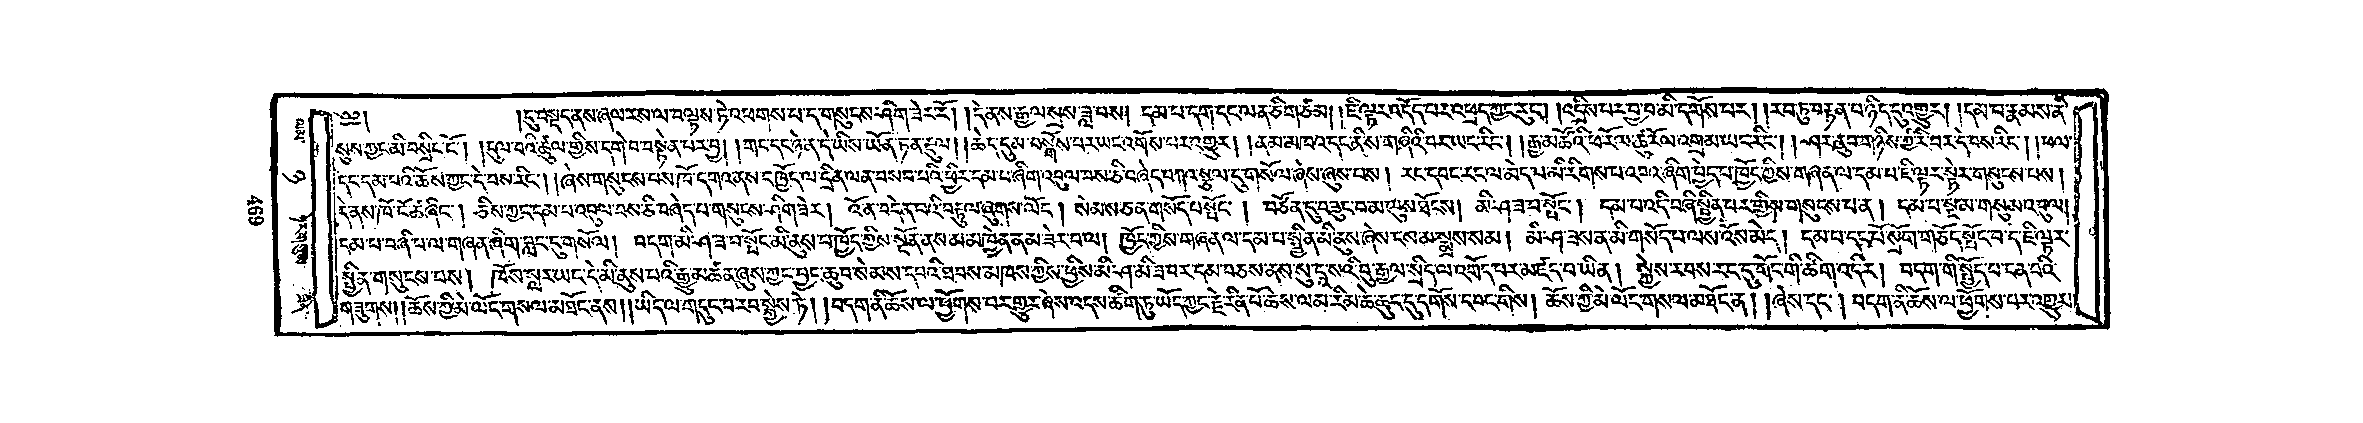༄༅། །དུ་བསྡད་ནས་ཞལ་རས་ལ་བལྟས་ཏེ་འཕགས་པ་ད་གསུངས་ཤིག་ཟེར་རོ། །དེ་ནས་རྒྱལ་སྲས་ཟླ་བས། དམ་པ་དག་དང་ལན་ཅིག་ཙམ། །ཇི་ལྟར་འདོད་པར་འཕྲད་ཀྱང་རུང་། །འདྲིས་པར་བྱ་བ་མི་དགོས་པར། །རབ་ཏུ་བརྟན་པ་ཉིད་དུ་འགྱུར། །དམ་པ་རྣམས་ནི་
སུས་ཀྱང་མི་བསྲིང་ངོ། །དུལ་བའི་ཚུལ་གྱིས་དགེ་བ་བསྟེན་པར་བྱ། །གང་དང་ཉེ་ན་དེ་ཡིས་ཡོན་ཏན་རྡུལ། །ཆེད་དུམ་བསྒོས་པར་ཡང་འགོས་པར་འགྱུར། །ནམ་མཁའ་དང་ནི་ས་གཞིའི་བར་ཡང་རིང་། །རྒྱ་མཚོའི་ཕ་རོལ་ཚུ་རོལ་འགྲམ་ཡང་རིང་། །ཤར་ནུབ་གཉིས་ཀྱི་རི་བར་དེ་བས་རིང་། །ཕལ་
དང་དམ་པའི་ཆོས་ཀྱང་དེ་བས་རིང་། །ཞེས་གསུངས་པས་ཁོ་དགའ་ནས་ད་ཁྱོད་ལ་དྲིན་ལན་བསབ་པའི་ཕྱིར་དམ་པ་ཞིག་འབུལ་བས་ཅི་བཞེད་བཀའ་སྩལ་དུ་གསོལ་ཞེས་ཞུས་པས། རང་དབང་རང་ལ་མེད་པ་མི་རིགས་པ་འབའ་ཞིག་བྱེད་པ་ཁྱོད་ཀྱིས་གཞན་ལ་དམ་པ་ཇི་ལྟར་སྟེར་གསུངས་པས།
དེ་ནས་ཁོ་ངོ་ཚ་ཞིང་། ཅིས་ཀྱང་དམ་པ་འབུལ་བས་ཅི་བཞེད་པ་གསུངས་ཤིག་ཟེར། འོ་ན་བདེན་པའི་བརྟུལ་ཞུགས་ལོང་། སེམས་ཅན་གསོད་པ་སྤོང་། བཙོན་དུ་བཟུང་བ་མ་ལུས་ཐོངས། མི་ཤ་ཟ་བ་སྤོང་། དམ་པ་འདི་བཞི་སྦྱིན་པར་གྱིས་གསུངས་པ་ན། དམ་པ་སྔ་མ་གསུམ་འབུལ།
དམ་པ་བཞི་པ་ལ་གཞན་ཞིག་བླང་དུ་གསོལ། བདག་མི་ཤ་ཟ་བ་སྤོང་མི་ནུས་པ་ཁྱོད་ཀྱིས་སྔོན་ནས་མ་མཁྱེན་ནམ་ཟེར་བ་ལ། ཁྱོད་ཀྱིས་གཞན་ལ་དམ་པ་སྦྱིན་མི་ནུས་ཞེས་ངས་མ་སྨྲས་སམ། མི་ཤ་ཟས་ན་མི་གསོད་པ་ལས་འོས་མེད། དམ་པ་དང་པོ་སྲོག་གཅོད་སྤོང་བ་དེ་ཇི་ལྟར་
སྦྱིན་གསུངས་པས། ཁོས་སླར་ཡང་དེ་མི་ནུས་པའི་རྒྱུ་མཚན་ཞུས་ཀྱང་བྱང་ཆུབ་སེམས་དཔའི་ཐབས་མཁས་ཀྱིས་ཕྱིས་མི་ཤ་མི་ཟ་བར་དམ་བཅས་ནས་སུ་དཱ་སའི་བུ་རྒྱལ་སྲིད་ལ་འགོད་པར་མཛད་པ་ཡིན། སྐྱེས་རབས་རང་དུ་གོང་གི་ཚིག་འདིར། བདག་གི་སྤྱོད་པ་ངན་པའི་
གཟུགས། །ཆོས་ཀྱི་མེ་ལོང་གསལ་མཐོང་ནས། །ཡིད་ལ་གདུང་བ་རབ་སྐྱེས་ཏེ། །བདག་ནི་ཆོས་ལ་ཕྱོགས་པར་གྱུར་ཞེས་འདས་ཚིག་ཏུ་ཡོད་ཀྱང་རྗེ་རིན་པོ་ཆེས་ལམ་རིམ་ཆེ་ཆུང་དུ་དགོས་དབང་གིས། ཆོས་ཀྱི་མེ་ལོང་གསལ་མཐོང་ན། །ཞེས་དང་། བདག་ནི་ཆོས་ལ་ཕྱོགས་པར་འགྱུར།